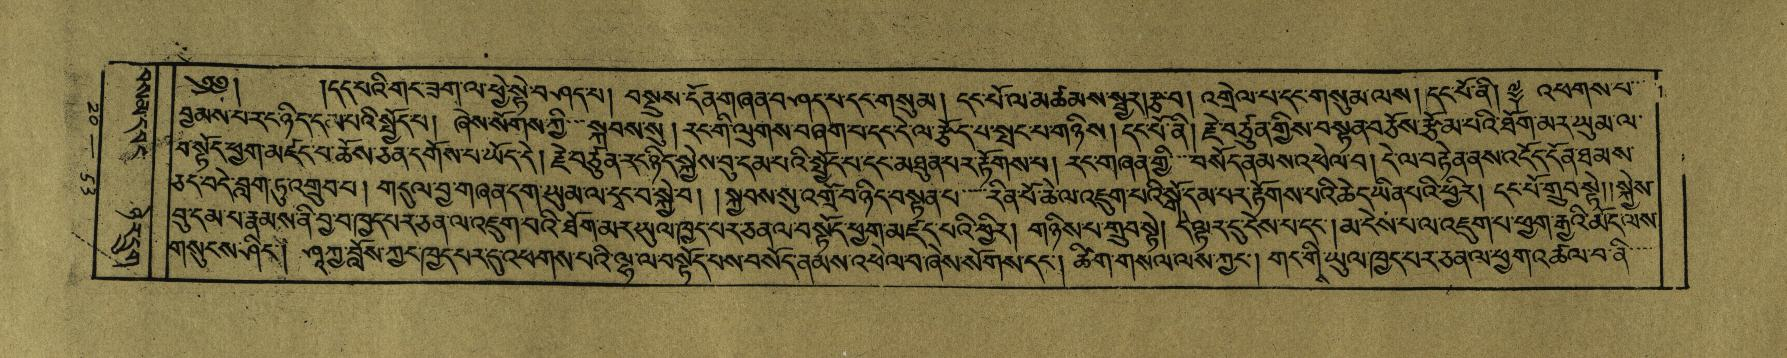༄༅། །དད་པའི་གང་ཟག་ལ་ཕྱེ་སྟེ་བཤད་པ། བསྡུས་དོན་གཞན་བཤད་པ་དང་གསུམ། དང་པོ་ལ་མཚམས་སྦྱར། རྩ་བ། འགྲེལ་པ་དང་གསུམ་ལས། དང་པོ་ནི། ༈ འཕགས་པ་
བྱམས་པ་རང་ཉིད་དམ་པའི་སྤྱོད་པ། ཞེས་སོགས་ཀྱི་སྐབས་སུ། རང་གི་ལུགས་བཞག་པ་དང་དེ་ལ་རྩོད་པ་སྤངས་པ་གཉིས། དང་པོ་ནི། རྗེ་བཙུན་གྱིས་བསྟན་བཅོས་རྩོམ་པའི་ཐོག་མར་ཡུམ་ལ་
བསྟོད་ཕྱག་མཛད་པ་ཆོས་ཅན་དགོས་པ་ཡོད་དེ། རྗེ་བཙུན་རང་ཉིད་སྐྱེས་བུ་དམ་པའི་སྤྱོད་པ་དང་མཐུན་པར་རྟོགས་པ། རང་གཞན་གྱི་བསོད་ནམས་འཕེལ་བ། དེ་ལ་བརྟེན་ནས་འདོད་དོན་ཐམས་
ཅད་བདེ་བླག་ཏུ་འགྲུབ་པ། གདུལ་བྱ་གཞན་དག་ཡུམ་ལ་དྭང་བ་སྐྱེ་བ། །སྐྱབས་སུ་འགྲོ་བ་ཉིད་བསྟན་པ་རིན་པོ་ཆེ་ལ་འཇུག་པའི་སྒོ་དམ་པར་རྟོགས་པའི་ཆེད་ཡིན་པའི་ཕྱིར། དང་པོ་གྲུབ་སྟེ། །སྐྱེས་
བུ་དམ་པ་རྣམས་ནི་བྱ་བ་ཁྱད་པར་ཅན་ལ་འཇུག་པའི་ཐོག་མར་ཡུལ་ཁྱད་པར་ཅན་ལ་བསྟོད་ཕྱག་མཛད་པའི་ཕྱིར། གཉིས་པ་གྲུབ་སྟེ། དེ་ལྟར་དུ་ངེས་པ་དང་། མ་ངེས་པ་ལ་འཇུག་པ་ཕྱག་རྒྱའི་མདོ་ལས་
གསུངས་ཤིང་། ཤཱཀྱ་བློས་ཀྱང་ཁྱད་པར་དུ་འཕགས་པའི་ལྷ་ལ་བསྟོད་པས་བསོད་ནམས་འཕེལ་བ་ཞེས་སོགས་དང་། ཚིག་གསལ་ལས་ཀྱང་། གང་གིས་ཡུལ་ཁྱད་པར་ཅན་ལ་ཕྱག་འཚལ་བ་ནི་